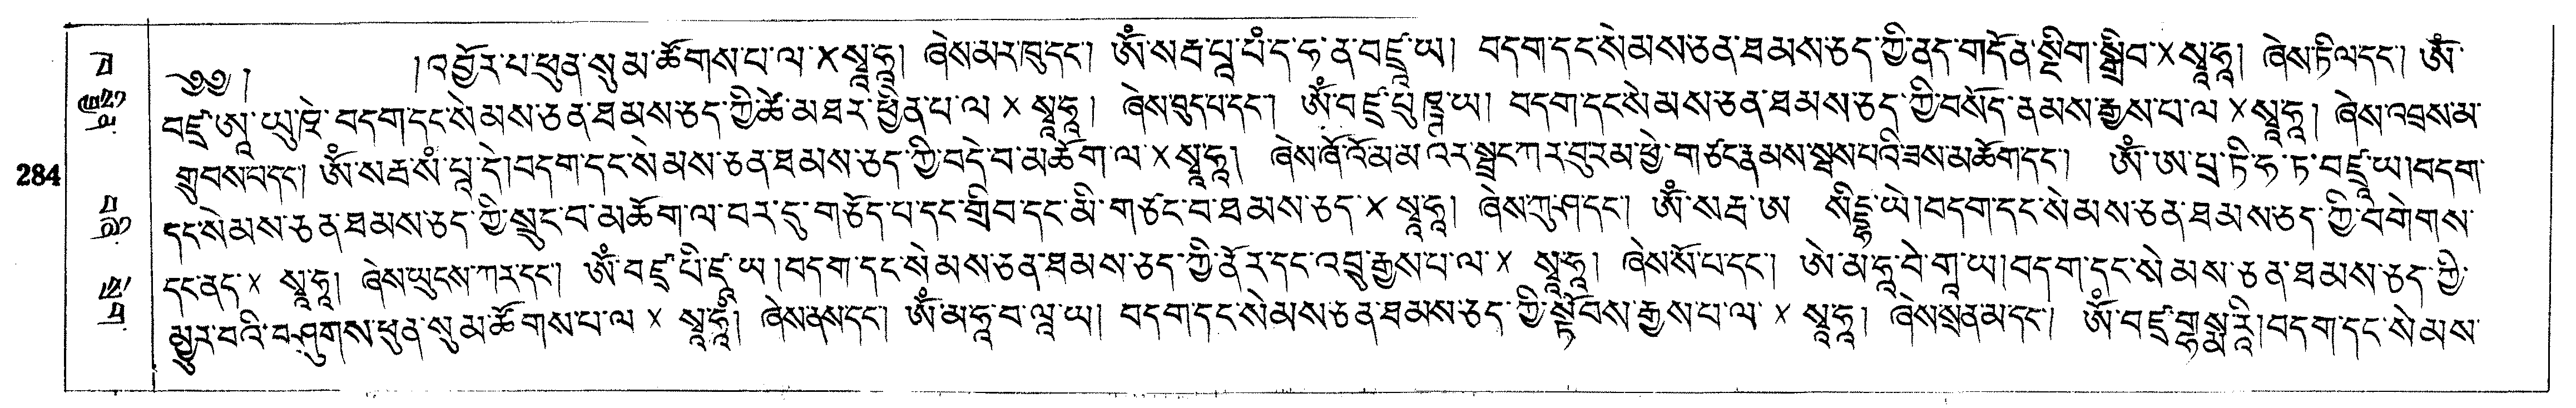༄༅། །འབྱོར་བ་ཕུན་སུམ་ཚོགས་པ་ལ་྾་?་སྭཱ་ཧཱ། ཞེས་མར་ཁུ་དང་། ཨོཾ་སརྦ་པཱ་པཾ་ད་ཧ་ན་བྫྲཱ་ཡ། བདག་དང་སེམས་ཅན་ཐམས་ཅད་ཀྱི་ནད་གདོན་སྡིག་སྒྲིབ་྾་?་སྭཱ་ཧཱ། ཞེས་ཏི་ལ་དང་། ཨོཾ་
བྫྲ་ཨཱ་ཡུ་ཥེ། བདག་དང་སེམས་ཅན་ཐམས་ཅད་ཀྱི་ཚེ་མཐར་ཕྱིན་པ་ལ་྾་?་སྭཱ་ཧཱ། ཞེས་དུད་པ་དང་། ཨོཾ་བྫྲ་པུ་ཥྚ་ཡ། བདག་དང་སེམས་ཅན་ཐམས་ཅད་ཀྱི་བསོད་ནམས་རྒྱས་པ་ལ་྾་?་སྭཱ་ཧཱ། ཞེས་འབྲས་མ་
གྲུགས་པ་དང་། ཨོཾ་སརྦ་སཾ་པཱ་དེ། བདག་དང་སེམས་ཅན་ཐམས་ཅད་ཀྱི་བདེ་བ་མཆོག་ལ་྾་?་སྭྰྷཱ། ཞེས་ཞོ་འོ་མ་མ་འེར་སྦྲང་ཀ་ར་བུ་རབ་ཕྱེ་གཙང་རྣམས་སྦྲུས་པའི་ཟས་མཆོག་དང་། ཨོཾ་ཨ་པྲ་ཏི་ཧ་ཏ་བྫྲ་ཡ། བདག་
དང་སེམས་ཅན་ཐམས་ཅད་ཀྱི་སྲུང་བ་མཆོག་ལ་བར་དུ་གཅོད་པ་དང་གྲིབ་དང་མི་གཙང་བ་ཐམས་ཅད་྾་?་སྭཱ་ཧཱ། ཞེས་ཀུ་ཤ་དང་། ཨོཾ་སརྦ་ཨནྭ་སིདྡྷ་ཡེ། བདག་དང་སེམས་ཅན་ཐམས་ཅད་ཀྱི་བགེགས་
དང་ནང་྾་?་སྭྰྷཱ། ཞེས་ཡུངས་ཀར་དང་། ཨོཾ་བྫྲ་བི་ཛཱ་ཡ། བདག་དང་སེམས་ཅན་ཐམས་ཅད་ཀྱི་ནོར་དང་འབྲུ་རྒྱས་པ་ལ་྾་?་སྭཱ་ཧཱ། ཞེས་སོ་བ་དང་། ཨོཾ་མཧཱ་བེ་གཱ་ཡ། བདག་དང་སེམས་ཅན་ཐམས་ཅད་ཀྱི་
མྱུར་བའི་ཤུགས་ཕུན་སུམ་ཚོགས་པ་ལ་྾་?་སྭཱ་ཧཱ། ཞེས་ནས་དང་། ཨོཾ་མཧཱ་བ་ལཱ་ཡ། བདག་དང་སེམས་ཅན་ཐམས་ཅད་ཀྱི་སྟོབས་རྒྱས་པ་ལ་྾་?་སྭཱ་ཧཱ། ཞེས་སྲན་མ་དང་། ཨོཾ་བྫྲ་གྷསྨ་རཱི། བདག་དང་སེམས་